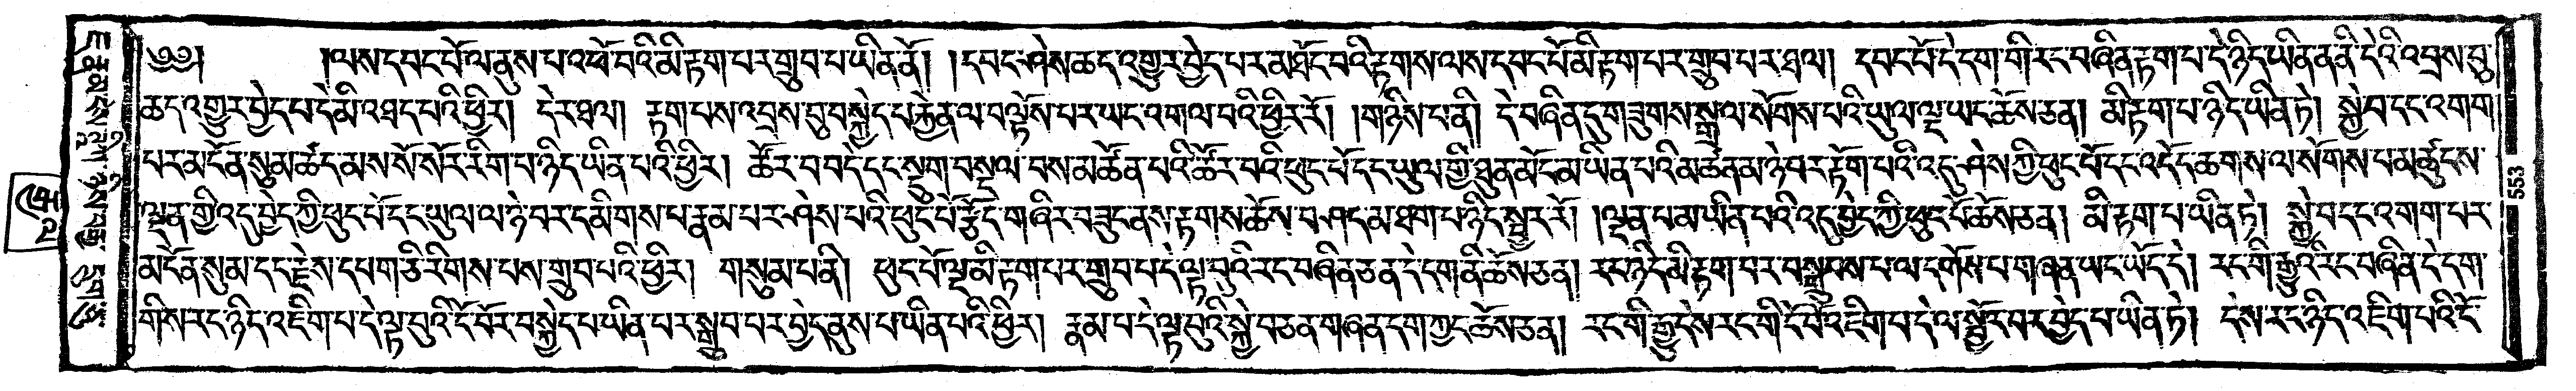༄༅། །ལས་དབང་པོ་ལ་ནུས་པ་འཕོ་བའི་མི་རྟག་པར་གྲུབ་པ་ཡིན་ནོ། །དབང་ཤེས་ཆད་འགྱུར་བྱེད་པར་མཐོང་བའི་རྟགས་ལས་དབང་པོ་མི་རྟག་པར་གྲུབ་པར་ཐལ། དབང་པོ་དེ་དག་གི་རང་བཞིན་རྟག་པ་དེ་ཉིད་ཡིན་ན་ནི་དེའི་འབྲས་བུ་
ཆད་འགྱུར་བྱེད་པ་དེ་མི་འཐད་པའི་ཕྱིར། དེར་ཐལ། རྟག་པས་འབྲས་བུ་བསྐྱེད་པ་རྐྱེན་ལ་བལྟོས་པར་ཡང་འགལ་བའི་ཕྱིར་རོ། །གཉིས་པ་ནི། དེ་བཞིན་དུ་གཟུགས་སྒྲ་ལ་སོགས་པའི་ཡུལ་ལྔ་ཡང་ཆོས་ཅན། མི་རྟག་པ་ཉིད་ཡིན་ཏེ། སྐྱེ་བ་དང་འགག་
པར་མངོན་སུམ་ཚད་མས་སོ་སོར་རིག་པ་ཉིད་ཡིན་པའི་ཕྱིར། ཚོར་བ་བདེ་དང་སྡུག་བསྔལ་བས་མཚོན་པའི་ཚོར་བའི་ཕུང་པོ་དང་ཡུལ་གྱི་ཐུན་མོང་མ་ཡིན་པའི་མཚན་མ་ཉེ་བར་རྟོག་པའི་འདུ་ཤེས་ཀྱི་ཕུང་པོ་དང་འདོད་ཆགས་ལ་སོགས་པ་མཚུངས་
ལྡན་གྱི་འདུ་བྱེད་ཀྱི་ཕུང་པོ་དང་ཡུལ་ལ་ཉེ་བར་དམིགས་པ་རྣམ་པར་ཤེས་པའི་ཕུང་པོ་རྩོད་གཞིར་བཟུང་ནས་རྟགས་ཆོས་བཤད་མ་ཐག་པ་ཉིད་སྦྱར་རོ། །ལྡན་པ་མ་ཡིན་པའི་འདུ་བྱེད་ཀྱི་ཕུང་པོ་ཆོས་ཅན། མི་རྟག་པ་ཡིན་ཏེ། སྐྱེ་བ་དང་འགག་པར་
མངོན་སུམ་དང་རྗེས་དཔག་ཅི་རིགས་པས་གྲུབ་པའི་ཕྱིར། གསུམ་པ་ནི། ཕུང་པོ་ལྔ་མི་རྟག་པར་གྲུབ་པ་དེ་ལྟ་བུའི་རང་བཞིན་ཅན་དེ་དག་ནི་ཆོས་ཅན། རང་ཉིད་མི་རྟག་པར་བསྒྲུབས་པ་ལ་དགོས་པ་གཞན་ཡང་ཡོད་དེ། རང་གི་རྒྱུའི་རང་བཞིན་དེ་དག་
གིས་རང་ཉིད་འཇིག་པ་དེ་ལྟ་བུའི་ངོ་བོར་བསྐྱེད་པ་ཡིན་པར་སྒྲུབ་པར་བྱེད་ནུས་པ་ཡིན་པའི་ཕྱིར། རྣམ་པ་དེ་ལྟ་བུའི་སྐྱེ་བ་ཅན་གཞན་དག་ཀྱང་ཆོས་ཅན། རང་གི་རྒྱུ་དེས་རང་གི་ངོ་བོ་འཇིག་པ་དེ་ལ་སྦྱོར་བར་བྱེད་པ་ཡིན་ཏེ། དེས་རང་ཉིད་འཇིག་པའི་ངོ་